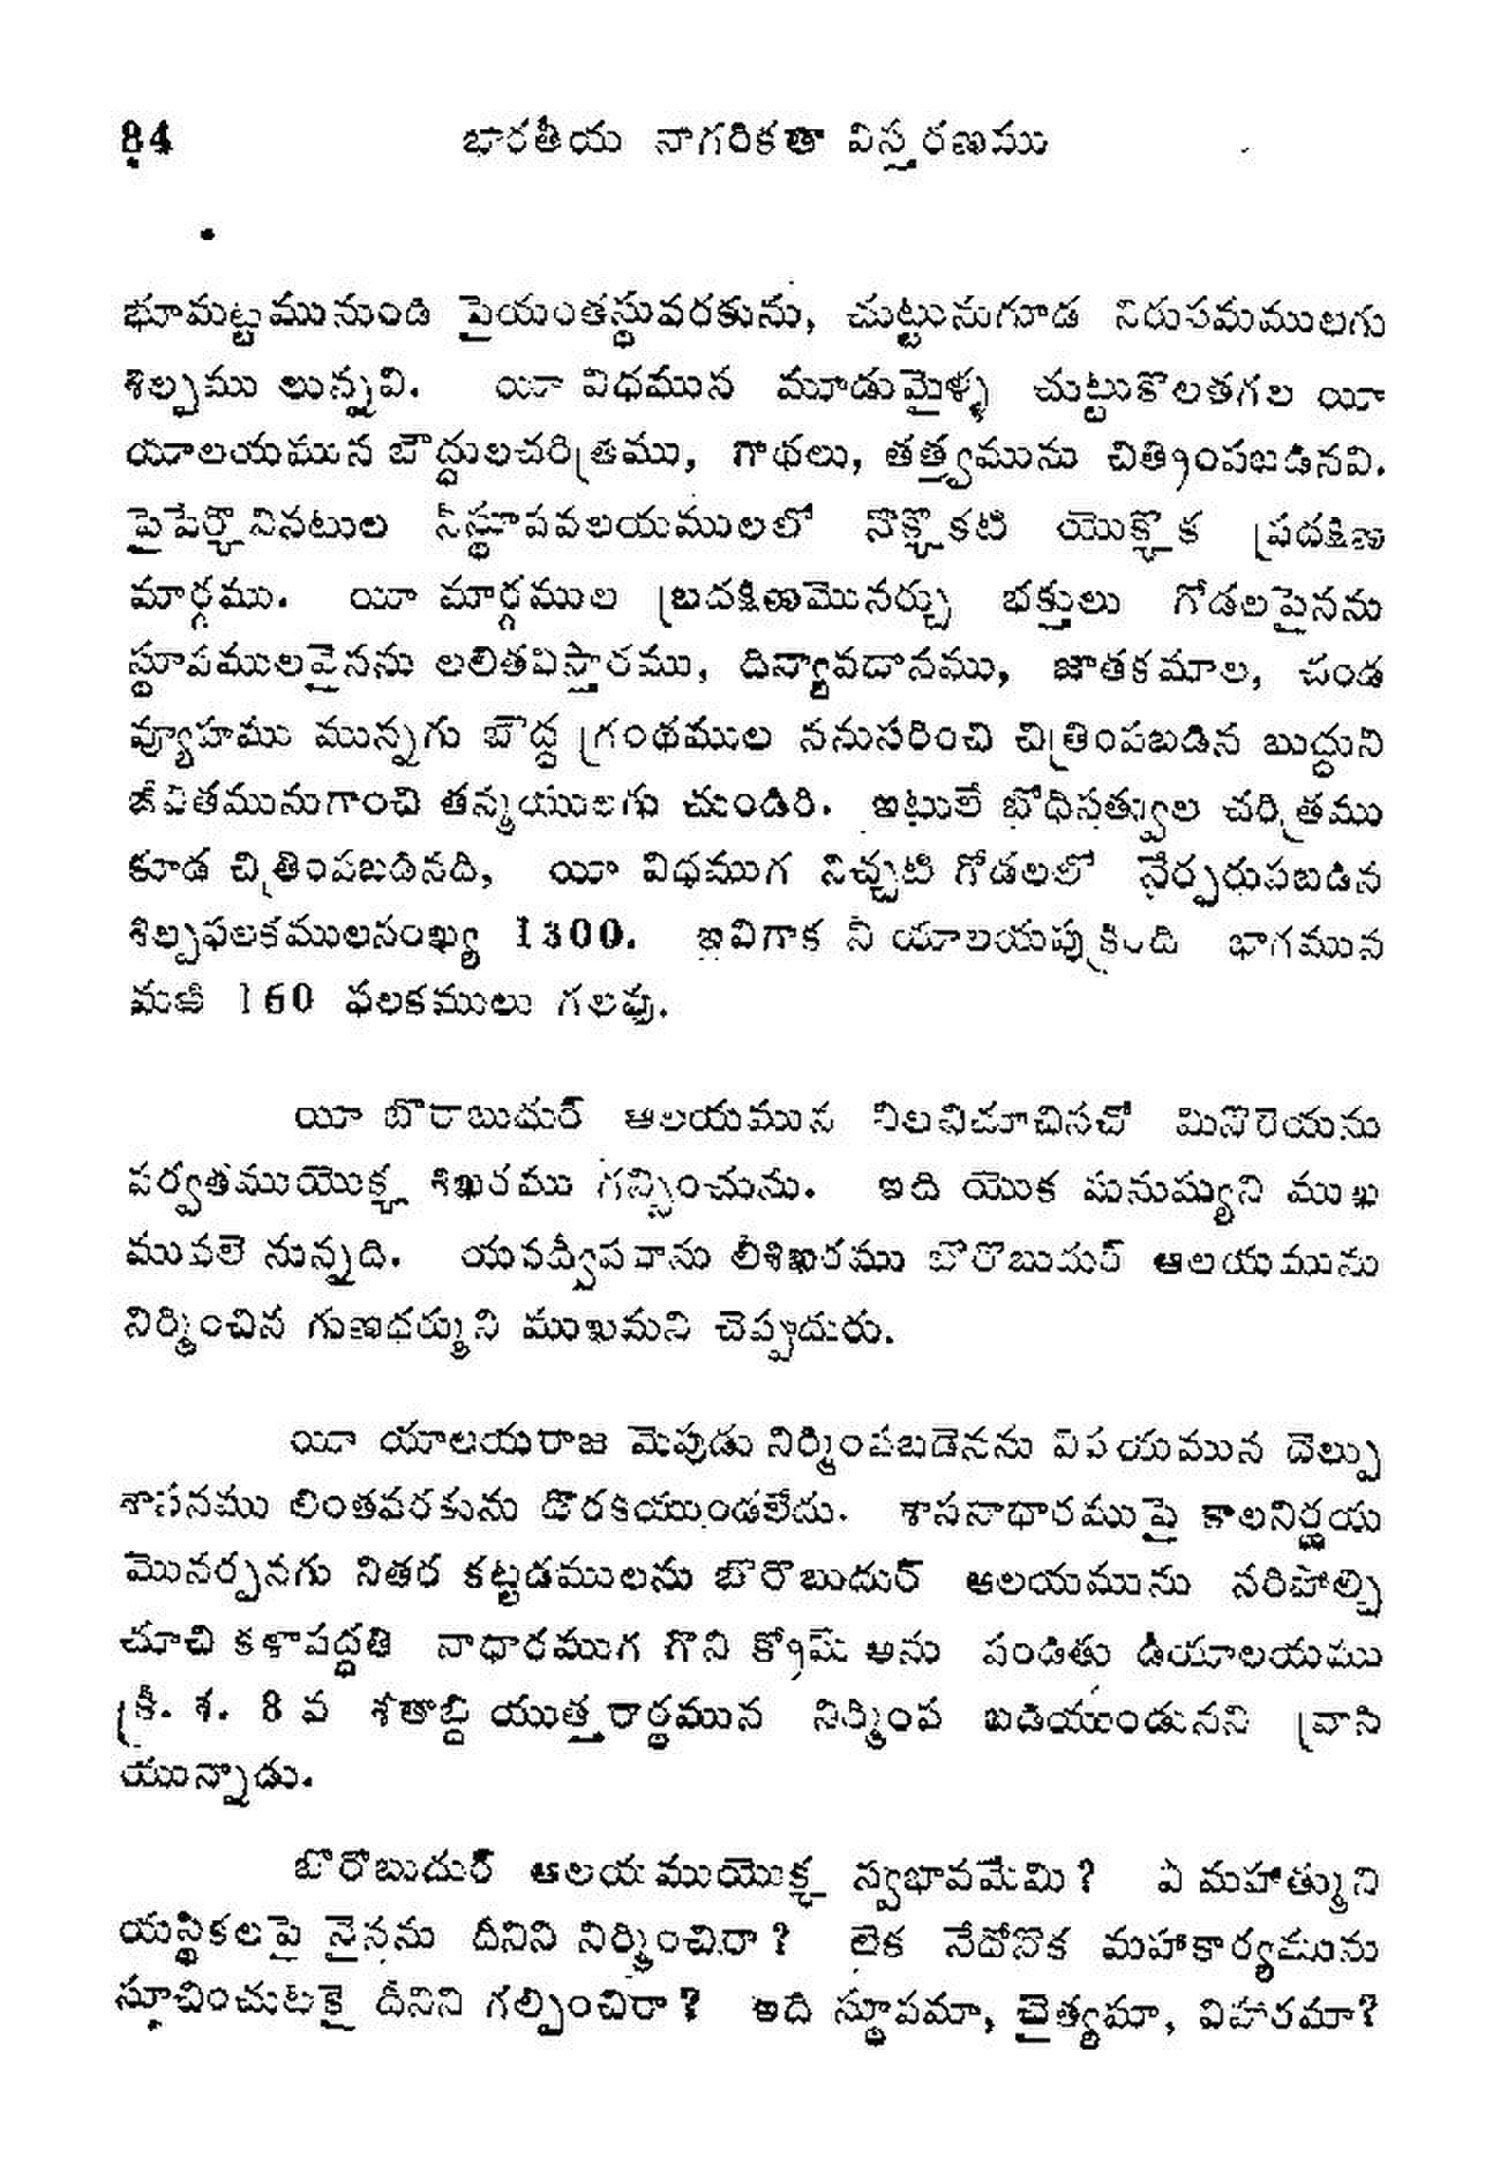భూమట్టమునుండి పైయంతస్థువరకును, చుట్టునుగూడ నిరుపమములగు శిల్పము లున్నవి. యీ విధమున మూడుమైళ్ళ చుట్టుకొలతగల యీ యాలయమున బౌద్దులచరిత్రము, గాథలు, తత్త్వమును చిత్రింపబడినవి. పైపేర్కొనినటుల నీస్థూపవలయములలో నొక్కొకటి యొక్కొక ప్రదక్షిణ మార్గము. యీ మార్గముల బ్రదక్షిణమొనర్చు భక్తులు గోడలపైనను స్థూపములపైనను లలితవిస్తారము, దివ్యావదానము, జాతకమాల, చండ వ్యూహము మున్నగు బౌద్ద గ్రంథముల ననుసరించి చిత్రింపబడిన బుద్ధుని జీవితమునుగాంచి తన్మయులగు చుండిరి. ఇటులే బోధిసత్వుల చరిత్రము కూడ చిత్రింపబడినది, యీ విధముగ నిచ్చటి గోడలలో నేర్పరుపబడిన శిల్పఫలకములసంఖ్య 1300. ఇవిగాక నీ యాలయపు క్రింది భాగమున మఱి 160 ఫలకములు గలవు.

యీ బొరొబుధుర్ ఆలయమున నిలచిచూచినచో మినొరెయను పర్వతముయొక్క శిఖరము గన్పించును. ఇది యొక మనుష్యుని ముఖమువలె నున్నది. యవద్వీపవాసు లీశిఖరము బొరొబుదుర్ ఆలయమును నిర్మించిన గుణధర్ముని ముఖమని చెప్పుదురు.

యీ యాలయరాజ మెపుడు నిర్మింపబడెనను విషయమున దెల్పు శాసనము లింతవరకును దొరకియుండలేదు. శాసనాధారముపై కాలనిర్ణయ మొనర్పనగు నితర కట్టడములను బొరొబుదుర్ ఆలయమును సరిపోల్చి చూచి కళాపద్ధతి నాధారముగ గొని క్రోఘ్ అను పండితు డీయాలయము క్రీ. శ. 8 వ శతాబ్ది యుత్తరార్థమున నిర్మింప బడియుండునని వ్రాసి యున్నాడు.

బొరొబుదుర్ ఆలయముయొక్క స్వభావమేమి? ఏ మహాత్ముని యస్థికలపై నైనను దీనిని నిర్మించిరా? లేక నేదోనొక మహాకార్యమును సూచించుటకై దీనిని గల్పించిరా? ఇది స్థూపమా, చైత్యమా, విహారమా?